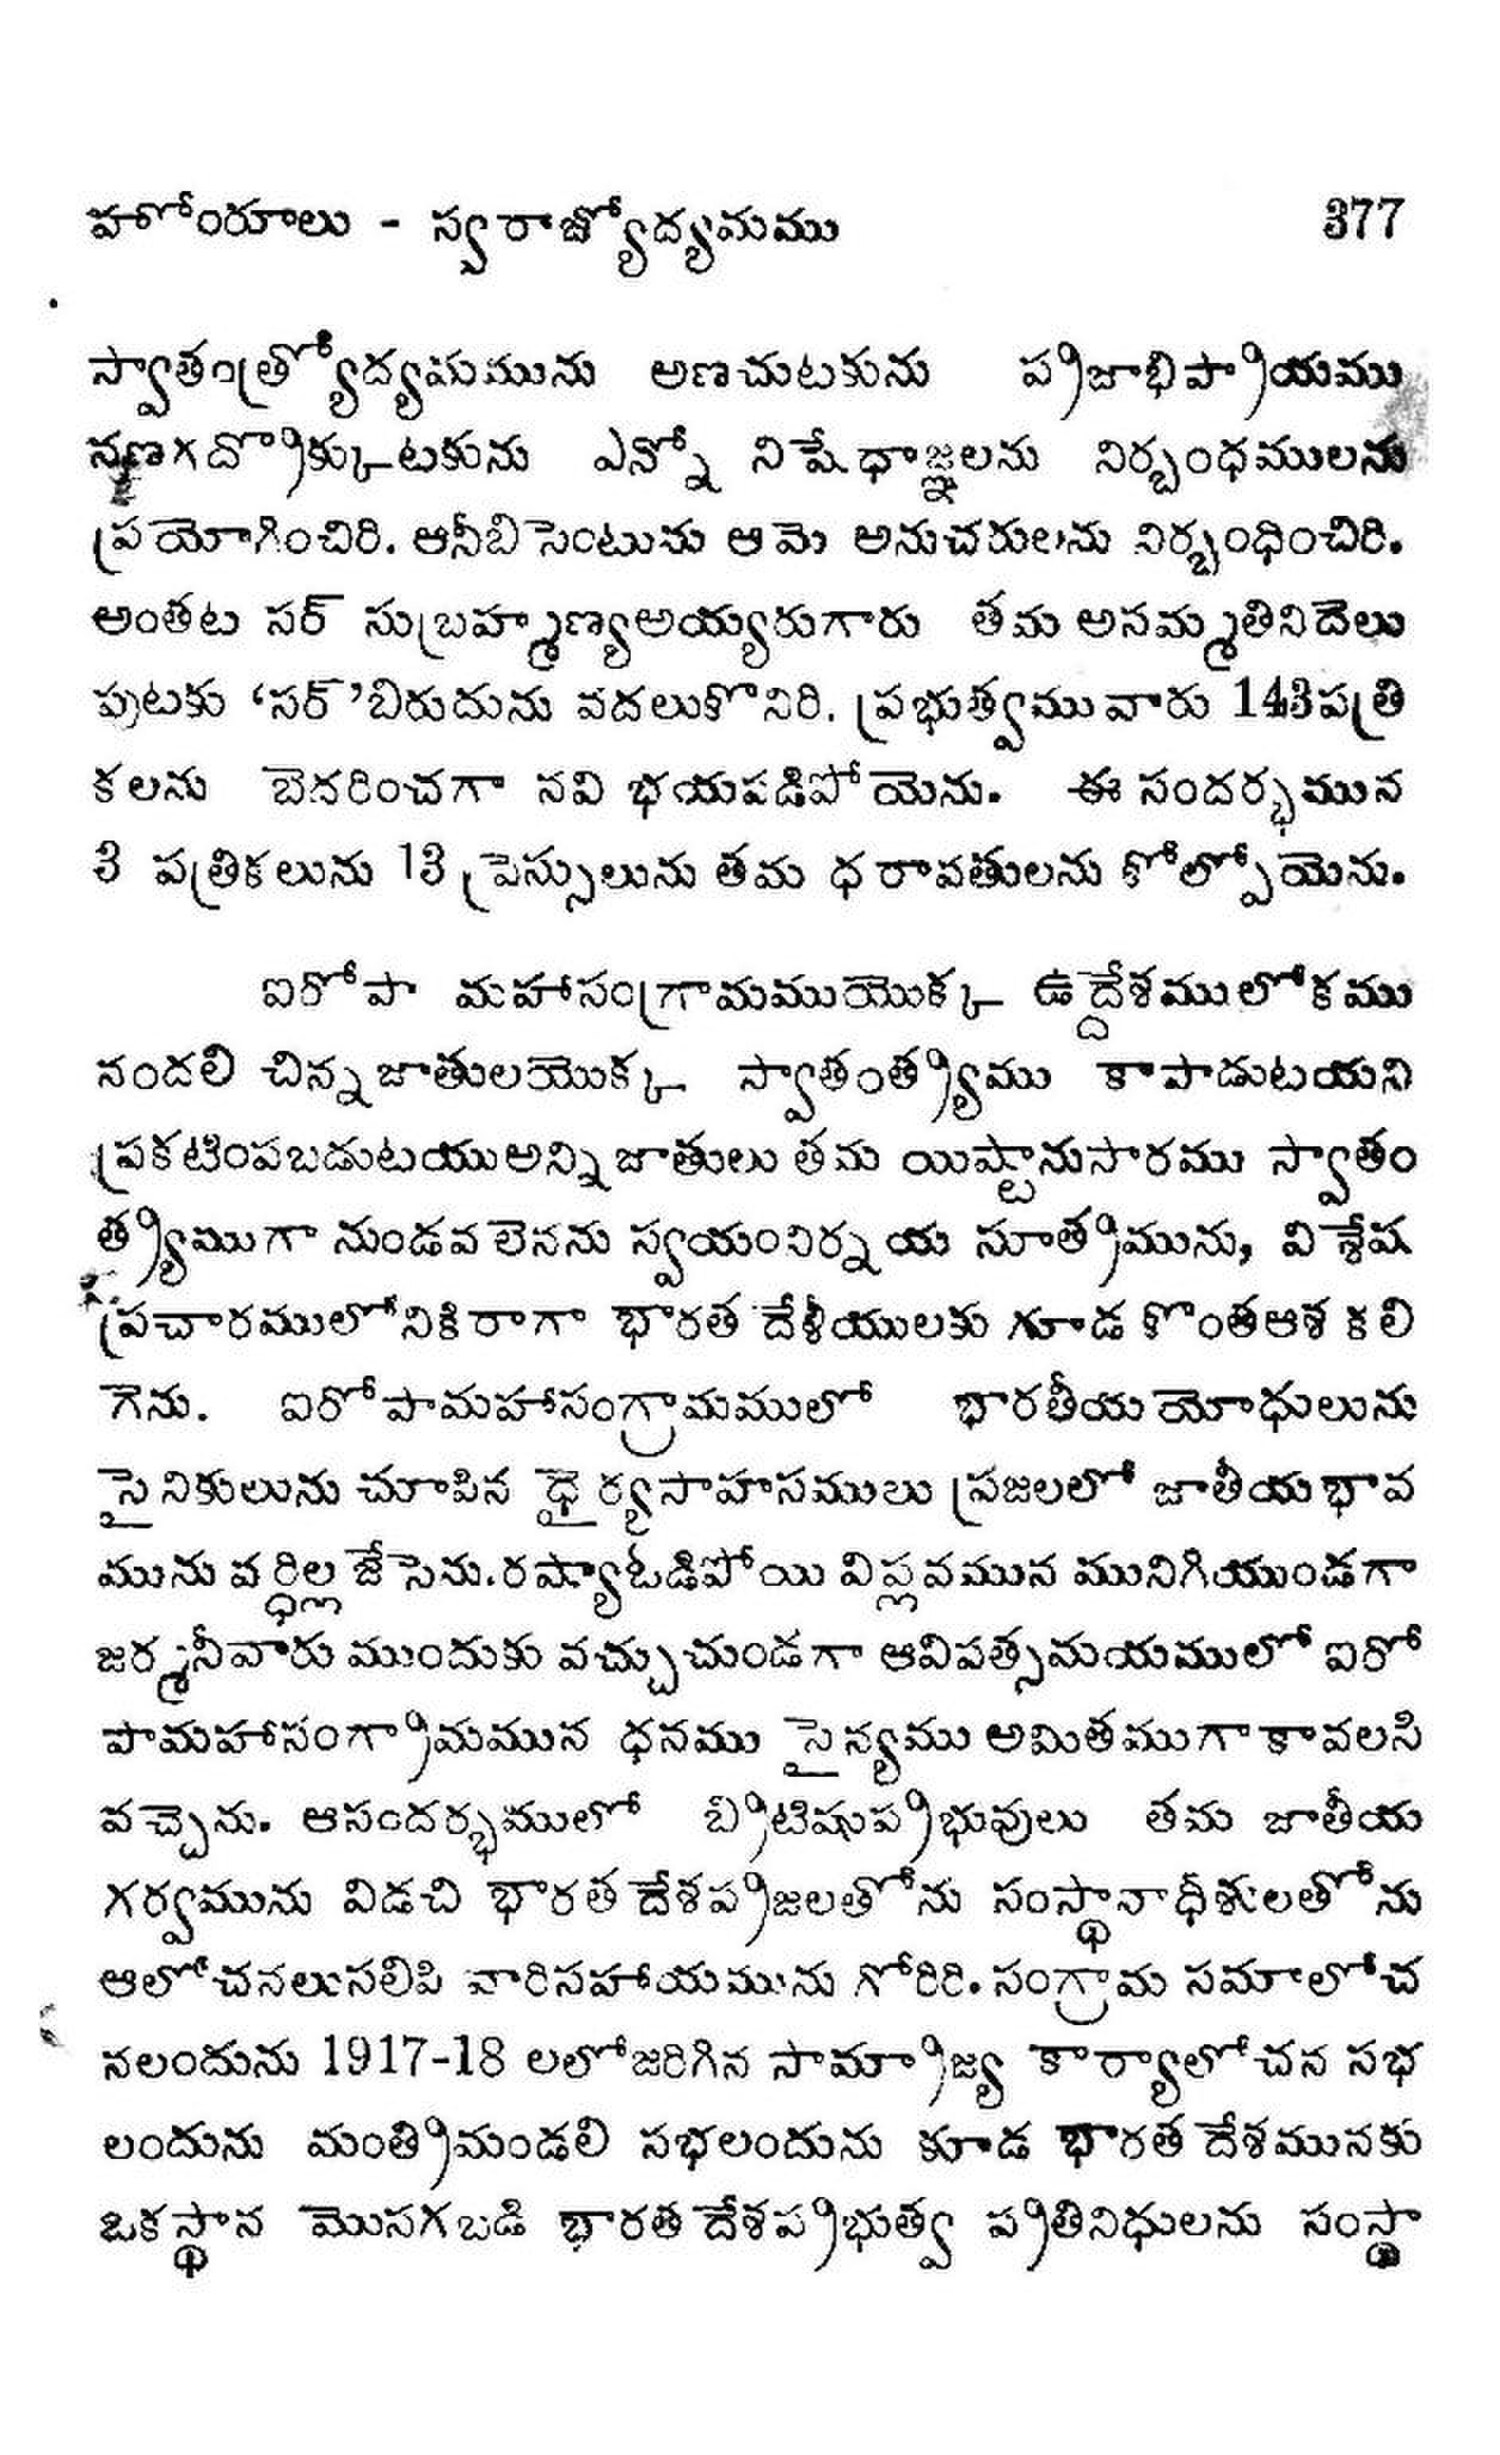స్వాతంత్ర్యోద్యమమును అణచుటకును ప్రజాభిప్రాయము నణగద్రొక్కుటకును ఎన్నో నిషేధాజ్ఞలను నిర్బంధములను ప్రయోగించిరి. ఆనీబిసెంటును ఆమె అనుచరులను నిర్బంధించిరి. అంతట సర్ సుబ్రహ్మణ్యఅయ్యరుగారు తమ అసమ్మతినిదెలుపుటకు 'సర్ ' బిరుదును వదలుకొనిరి. ప్రభుత్వమువారు 143 పత్రికలను బెదరించగా నవి భయపడిపోయెను. ఈ సందర్భమున 3 పత్రికలును 13 ప్రెస్సులును తమ ధరావతులను కోల్పోయెను.

ఐరోపా మహాసంగ్రామముయొక్క ఉద్దేశములోకమునందలి చిన్న జాతులయొక్క స్వాతంత్ర్యము కాపాడుటయని ప్రకటింపబడుటయు అన్నిజాతులు తమ యిష్టానుసారము స్వాతంత్ర్యముగా నుండవలెనను స్వయంనిర్నయ సూత్రమును, విశేష ప్రచారములోనికిరాగా భారతదేశీయులకు గూడ కొంతఆశ కలిగెను. ఐరోపామహాసంగ్రామములో భారతీయయోధులును సైనికులును చూపిన ధైర్యసాహసములు ప్రజలలో జాతీయభావమును వర్దిల్ల జేసెను. రష్యాఓడిపోయి విప్లవమున మునిగియుండగా జర్మనీవారు ముందుకు వచ్చుచుండగా ఆవిపత్సమయములో ఐరోపామహాసంగ్రామమున ధనము సైన్యము అమితముగా కావలసివచ్చెను. ఆ సందర్భములో బ్రిటిషుప్రభువులు తమ జాతీయ గర్వమును విడచి భారతదేశప్రజలతోను సంస్థానాధీశులతోను ఆలోచనలుసలిపి వారిసహాయమును గోరిరి. సంగ్రామ సమాలోచనలందును 1917-18 లలో జరిగిన సామ్రాజ్య కార్యాలోచన సభలందును మంత్రిమండలి సభలందును కూడ భారతదేశమునకు ఒకస్థాన మొసగబడి భారతదేశప్రభుత్వ ప్రతినిధులను సంస్థా